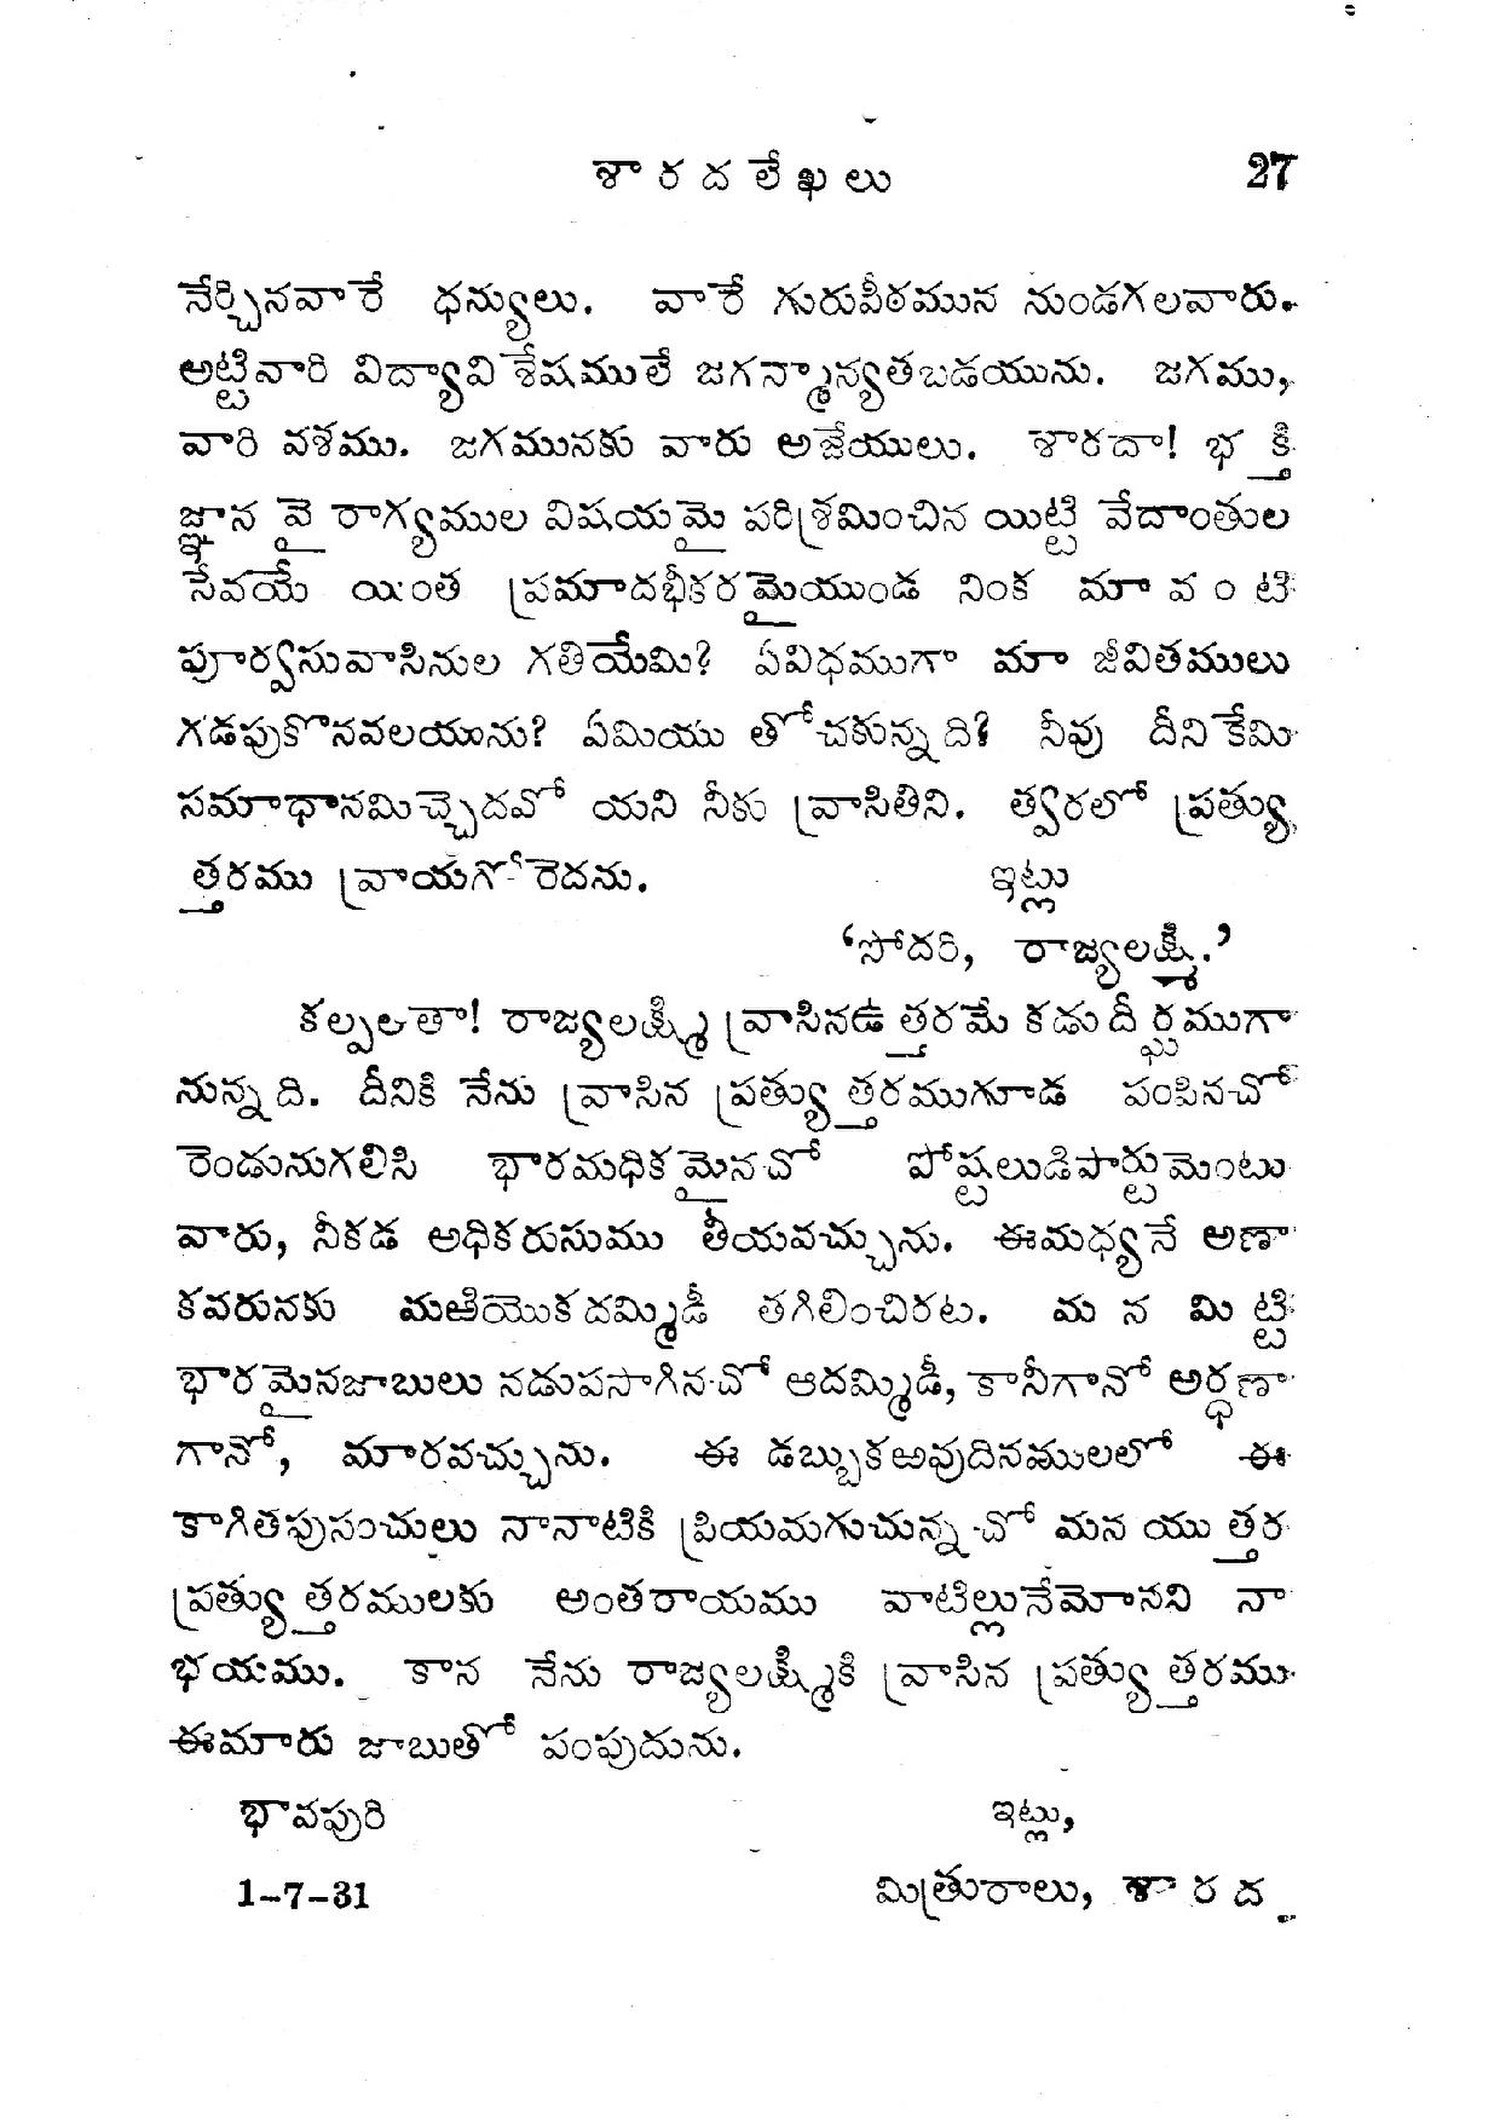నేర్చినవారే ధన్యులు. వారే గురుపీఠమున నుండగలవారు. 
అట్టివారు విద్యావిశేషములే జగన్మాన్యత బడయును. జగము,
వారి వశము, జగమునకు వారు అజేయులు. శారదా! భక్తి 
జ్ఞాన వైరాగ్యముల విషయమై పరిశ్రమించిన యిట్టి వేదాంతుల
సేవయే యింత ప్రమాదభీకరమైయుండ నింక మావంటి 
పూర్వసువాసినుల గతియేమి? ఏ విధముగా మా జీవితములు 
గడపుకొనవలయును? ఏమియు తోచకున్నది? నీవు దీనికేమి
సమాధానమిచ్చెదవో యనినీకు వ్రాసితిని. త్వరలో ప్రత్యు
త్తరము వ్రాయగోరెదను.

కల్పలతా! రాజ్యలక్ష్మి వ్రాసినఉత్తరమే కడుదీర్ఘముగా 
నున్నది. దీనికి నేను వ్రాసిన ప్రత్యుత్తరముగూడ పంపినచో 
రెండునుగలిసి భారమధికమైనచో పోష్టలుడిపార్టుమెంటు 
వారు, నీకడ అధికరుసుము తీయవచ్చును. ఈమధ్యనే అణా 
కవరునకు మఱియొకదమ్మిడీ తగిలించిరట. మన మిట్టి 
భారమైనజాబులు నడుపసాగినచో ఆదమ్మిడీ, కానీగానో అర్ధణా 
గానో, మారవచ్చును. ఈ డబ్బుకఱవుదినములలో ఈ
కాగితపుసంచులు నానాటికి ప్రియమగుచున్నచో మన యుత్తర 
ప్రత్యుత్తరములకు అంతరాయము వాటిల్లునేమోనని నా 
భయము. కాన నేను రాజ్యలక్ష్మికి వ్రాసిన ప్రత్యుత్తరము. 
ఈమారు జాబుతో పంపుదును.